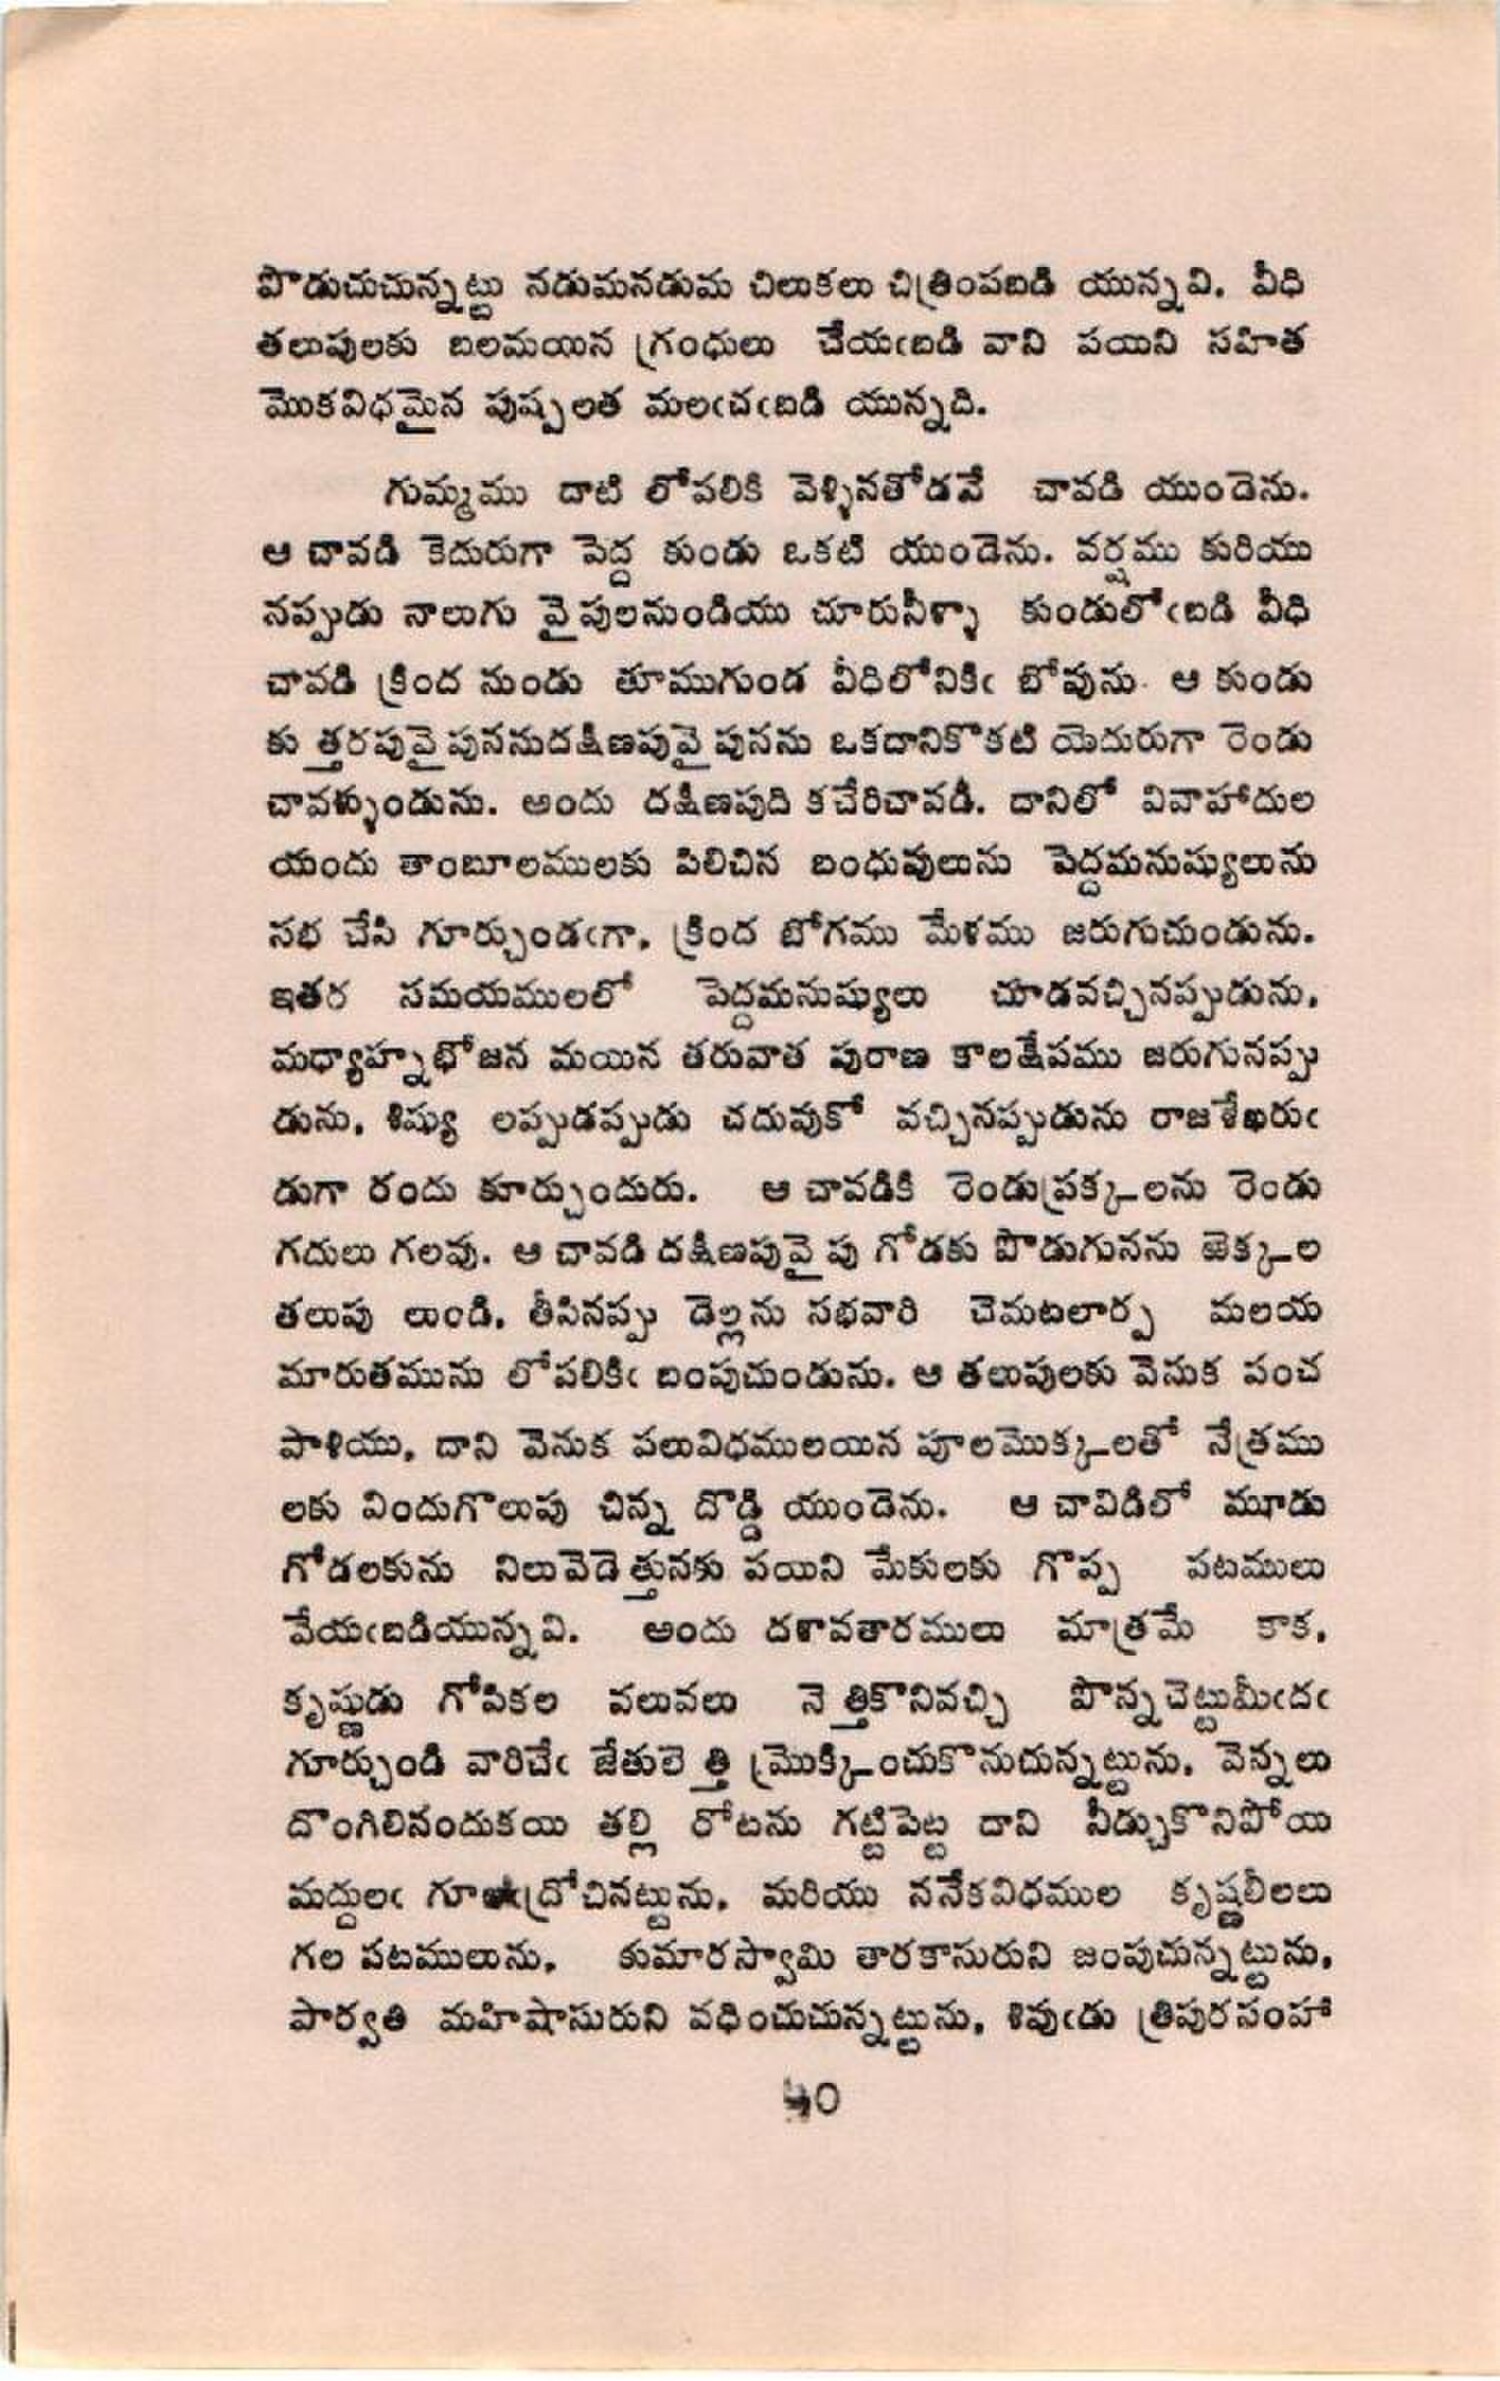పొడుచుచున్నట్టు నడుమనడుమ చిలుకలు చిత్రింపబడి యున్నవి. వీధి తలుపులకు బలమయిన గ్రంధులు చేయఁబడి వాని పయిని సహిత మొకవిధమైన పుష్పలత మలఁచఁబడి యున్నది.

గుమ్మము దాటి లోపలికి వెళ్ళినతోడనే చావడి యుండెను. ఆ చావడి కెదురుగా పెద్ద కుండు ఒకటి యుండెను. వర్షము కురియు నప్పుడు నాలుగు వైపులనుండియు చూరునీళ్ళా కుండులోఁబడి వీధి చావడి క్రింద నుండు తూముగుండ వీధిలోనికిఁ బోవును. ఆ కుండు కుత్తరపవైపుననుదక్షిణపువైపునను ఒకదానికొకటి యెదురుగా రెండు చావళ్ళుండును. అందు దక్షిణపుది కచేరిచావడి. దానిలో వివాహాదుల యందు తాంబూలములకు పిలిచిన బంధువులను పెద్దమనుష్యులను సభ చేసి గూర్చుండఁగా, క్రింద బోగము మేళము జరుగుచుండును. ఇతర సమయములలో పెద్దమనుష్యులు చూడవచ్చినప్పడును, మధ్యాహ్నభోజన మయిన తరువాత పురాణ కాలక్షేపము జరుగునప్పుడును, శిష్యు లప్పుడప్పుడు చదువుకో వచ్చినప్పుడును రాజశేఖరుఁ డుగా రందు కూర్చుందురు. ఆ చావడికి రెండు ప్రక్కలను రెండు గదులు గలవు. ఆ చావడి దక్షిణపువైపు గోడకు పొడుగునను ఱెక్కల తలుపు లుండి, తీసినప్ప డెల్లను సభవారి చెమటలార్ప మలయ మారుతమును లోపలికిఁ బంపుచుండును. ఆ తలుపులకు వెనుక పంచ పాళియు, దాని వెనుక పలువిధములయిన పూలమొక్కలతో నేత్రము లకు విందుగొలుపు చిన్న దొడ్డి యుండెను. ఆ చావిడిలో మూడు గోడలకును నిలువెడెత్తునకు పయిని మేకులకు గొప్ప పటములు వేయఁబడియున్నవి. అందు దశావతారములు మాత్రమే కాక, కృష్ణుడు గోపికల వలువలు నెత్తికొనివచ్చి పొన్నచెట్టుమీఁదఁ గూర్చుండి వారిచేఁ జేతులెత్తి మ్రెుక్కించుకొనుచున్నట్టును, వెన్నలు దొంగిలినందుకయి తల్లి రోటను గట్టిపెట్ట దాని నీడ్చుకొనిపోయి మద్దులఁ గూ ద్రోచినట్టును, మరియు ననేకవిధముల కృష్ణలీలలు గల పటములును, కుమారస్వామి తారకాసురుని జంపుచున్నట్టును, పార్వతి మహిషాసురుని వధించుచున్నట్టును, శివుఁడు త్రిపురసంహా